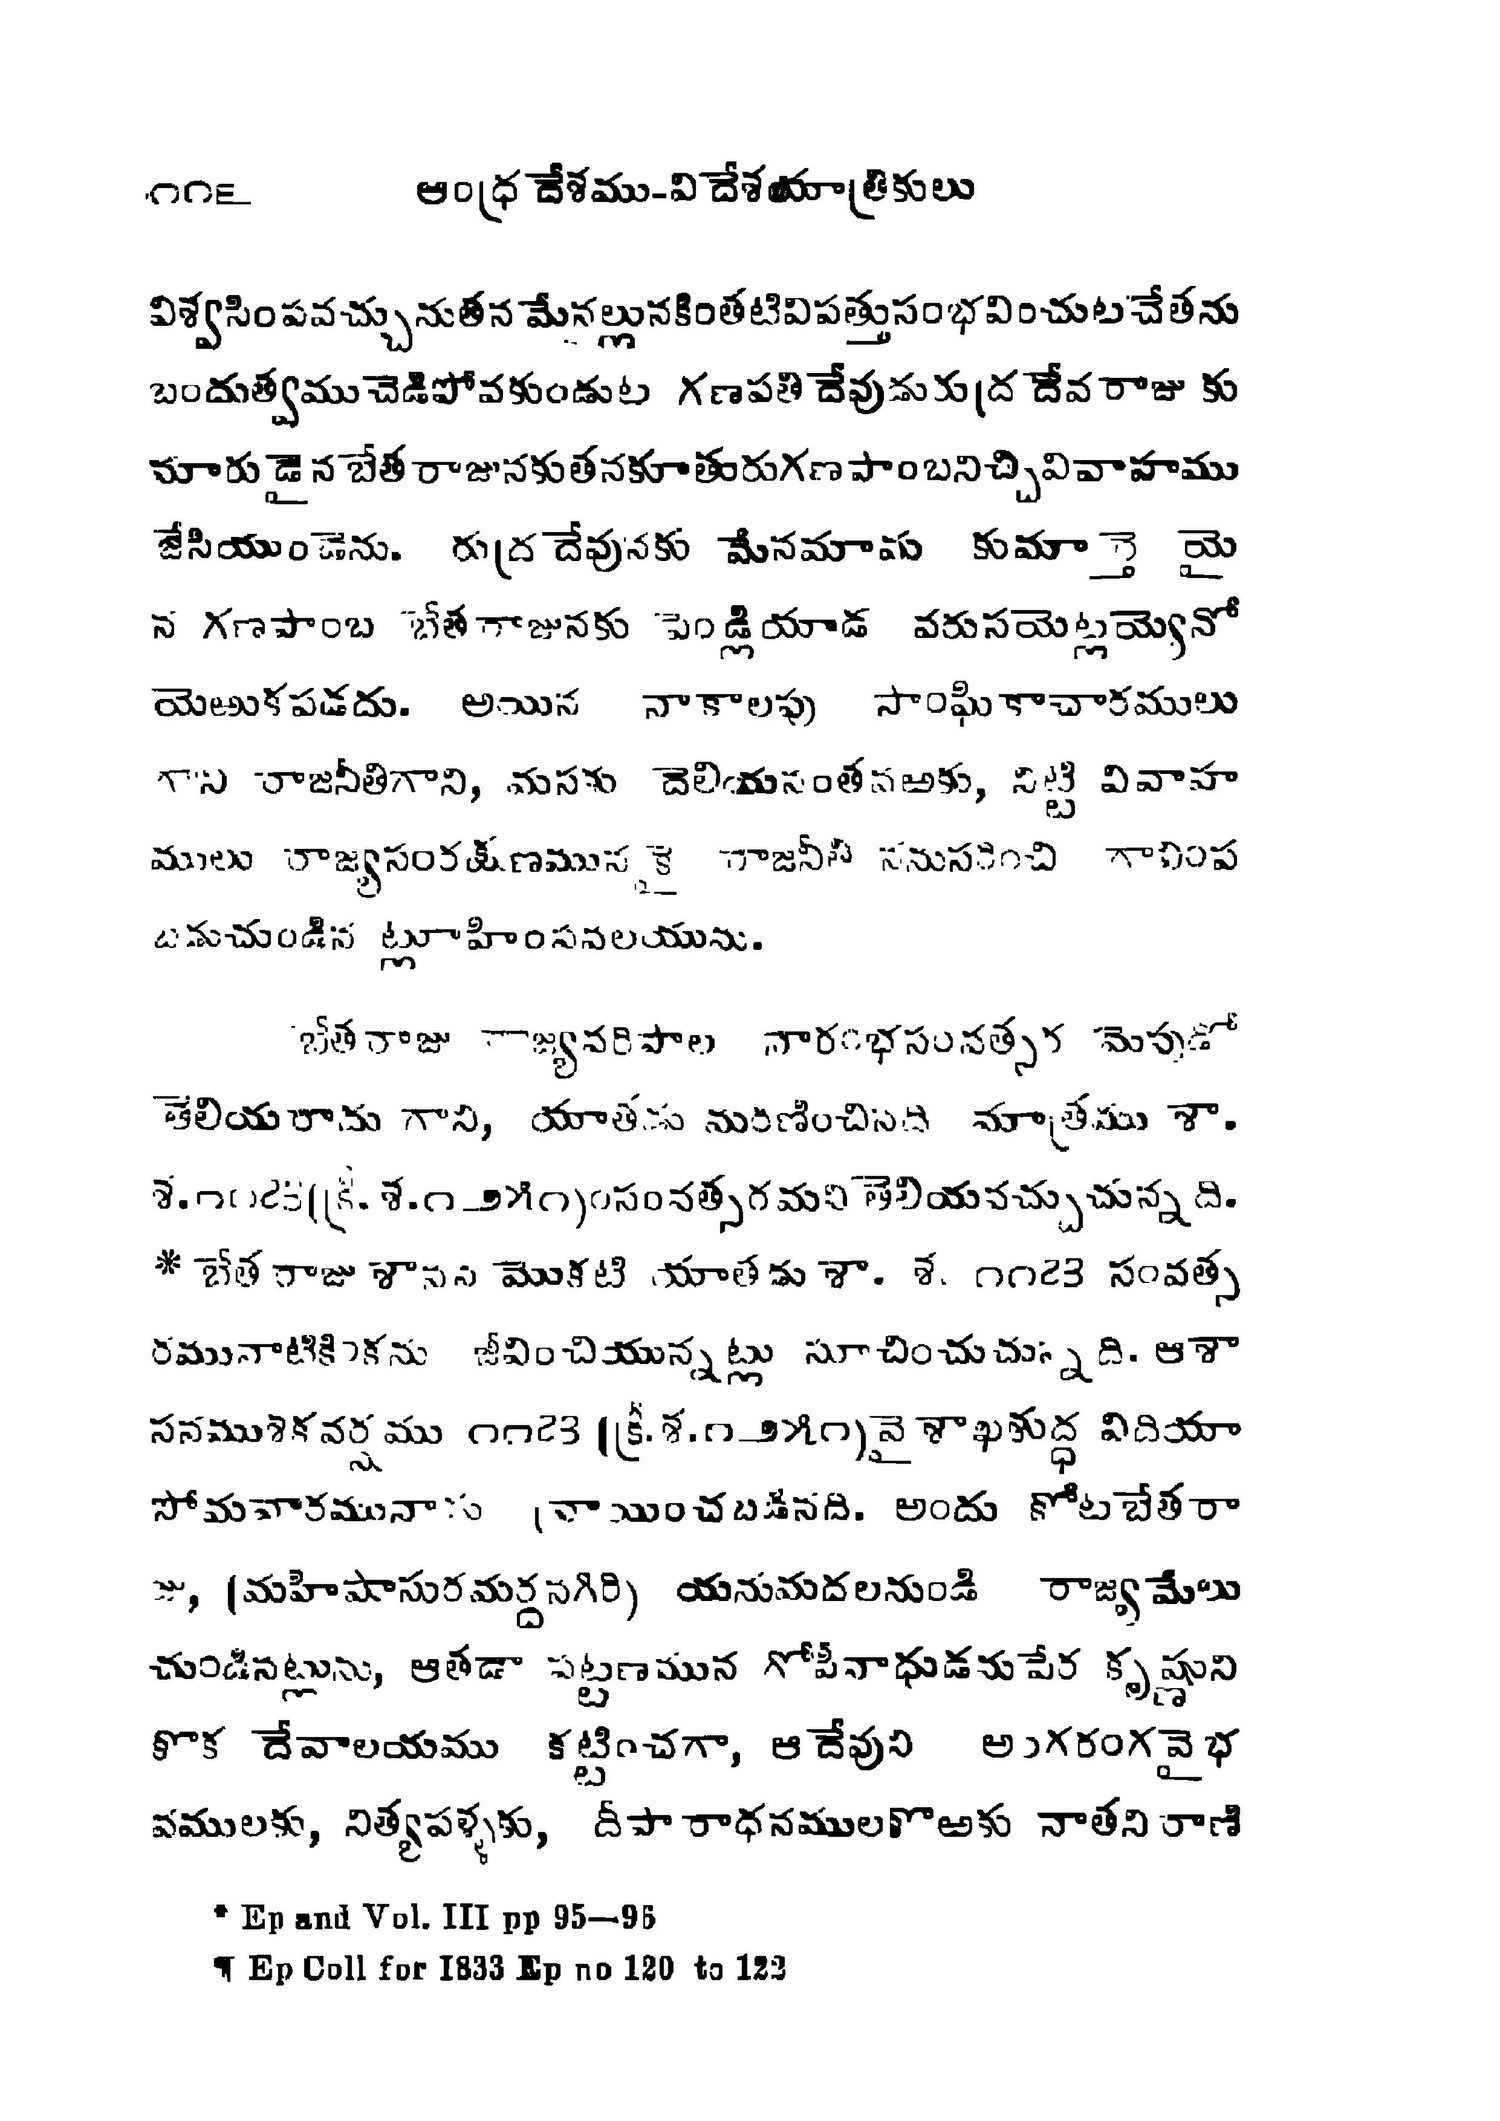విశ్వసింపవచ్చును. తనమేనల్లునకింతటి విపత్తు సంభవించుట చేతను బందుత్వము చెడిపోవకుండుట గణపతి దేవుడు రుద్రదేవరాజు కుమారుడైన బేతరాజునకు తనకూతురు గణపాంబనిచ్చి వివాహముజేసియుండెను. రుద్రదేవునకు మేనమామ కుమార్తె యైన గణపాంబ బేతరాజునకు పెండ్లియాడ వరుసయెట్లయ్యెనో యెఱుకపడదు. అయిన నాకాలపు సాంఘికాచారములు గాని రాజనీతిగాని, మనకు దెలియ నంతవఱకు, నిట్టి వివాహములు రాజ్యసంరక్షణమునకై రాజనీతి ననుసరించి గావింపబడుచుండిన ట్లూహింపవలయును.

బేతరాజు రాజ్యపరిపాల నారంభ సంవత్సర మెపుడో తెలియరాదు గాని, యాతడు మరణించినది మాత్రము శా.శ. 1173 (క్రీ. శ. 1251) సంవత్సరమని తెలియవచ్చుచున్నది. బేతరాజు శాసన మొకటి యాతడు శా.శ. 1173 సంవత్సరమునాటికింకను జీవించియున్నట్లు సూచించుచున్నది. ఆశాసనము శకవర్షము 1173 (క్రీ. శ. 1251) వైశాఖశుద్ధ విదియా సోమవారమునాడు వ్రాయించబడినది. అందు కోటబేతరాజు, (మహిషాసురమర్దనగిరి) యనుమదలనుండి రాజ్యమేలు చుండినట్లును, ఆతడా పట్టణమున గోపీనాధుడనుపేర కృష్ణుని కొక దేవాలయము కట్టించగా, ఆదేవుని అంగరంగవైభవములకు, నిత్యపళ్ళకు, దీపారాధనముల కొఱకు నాతని రాణి